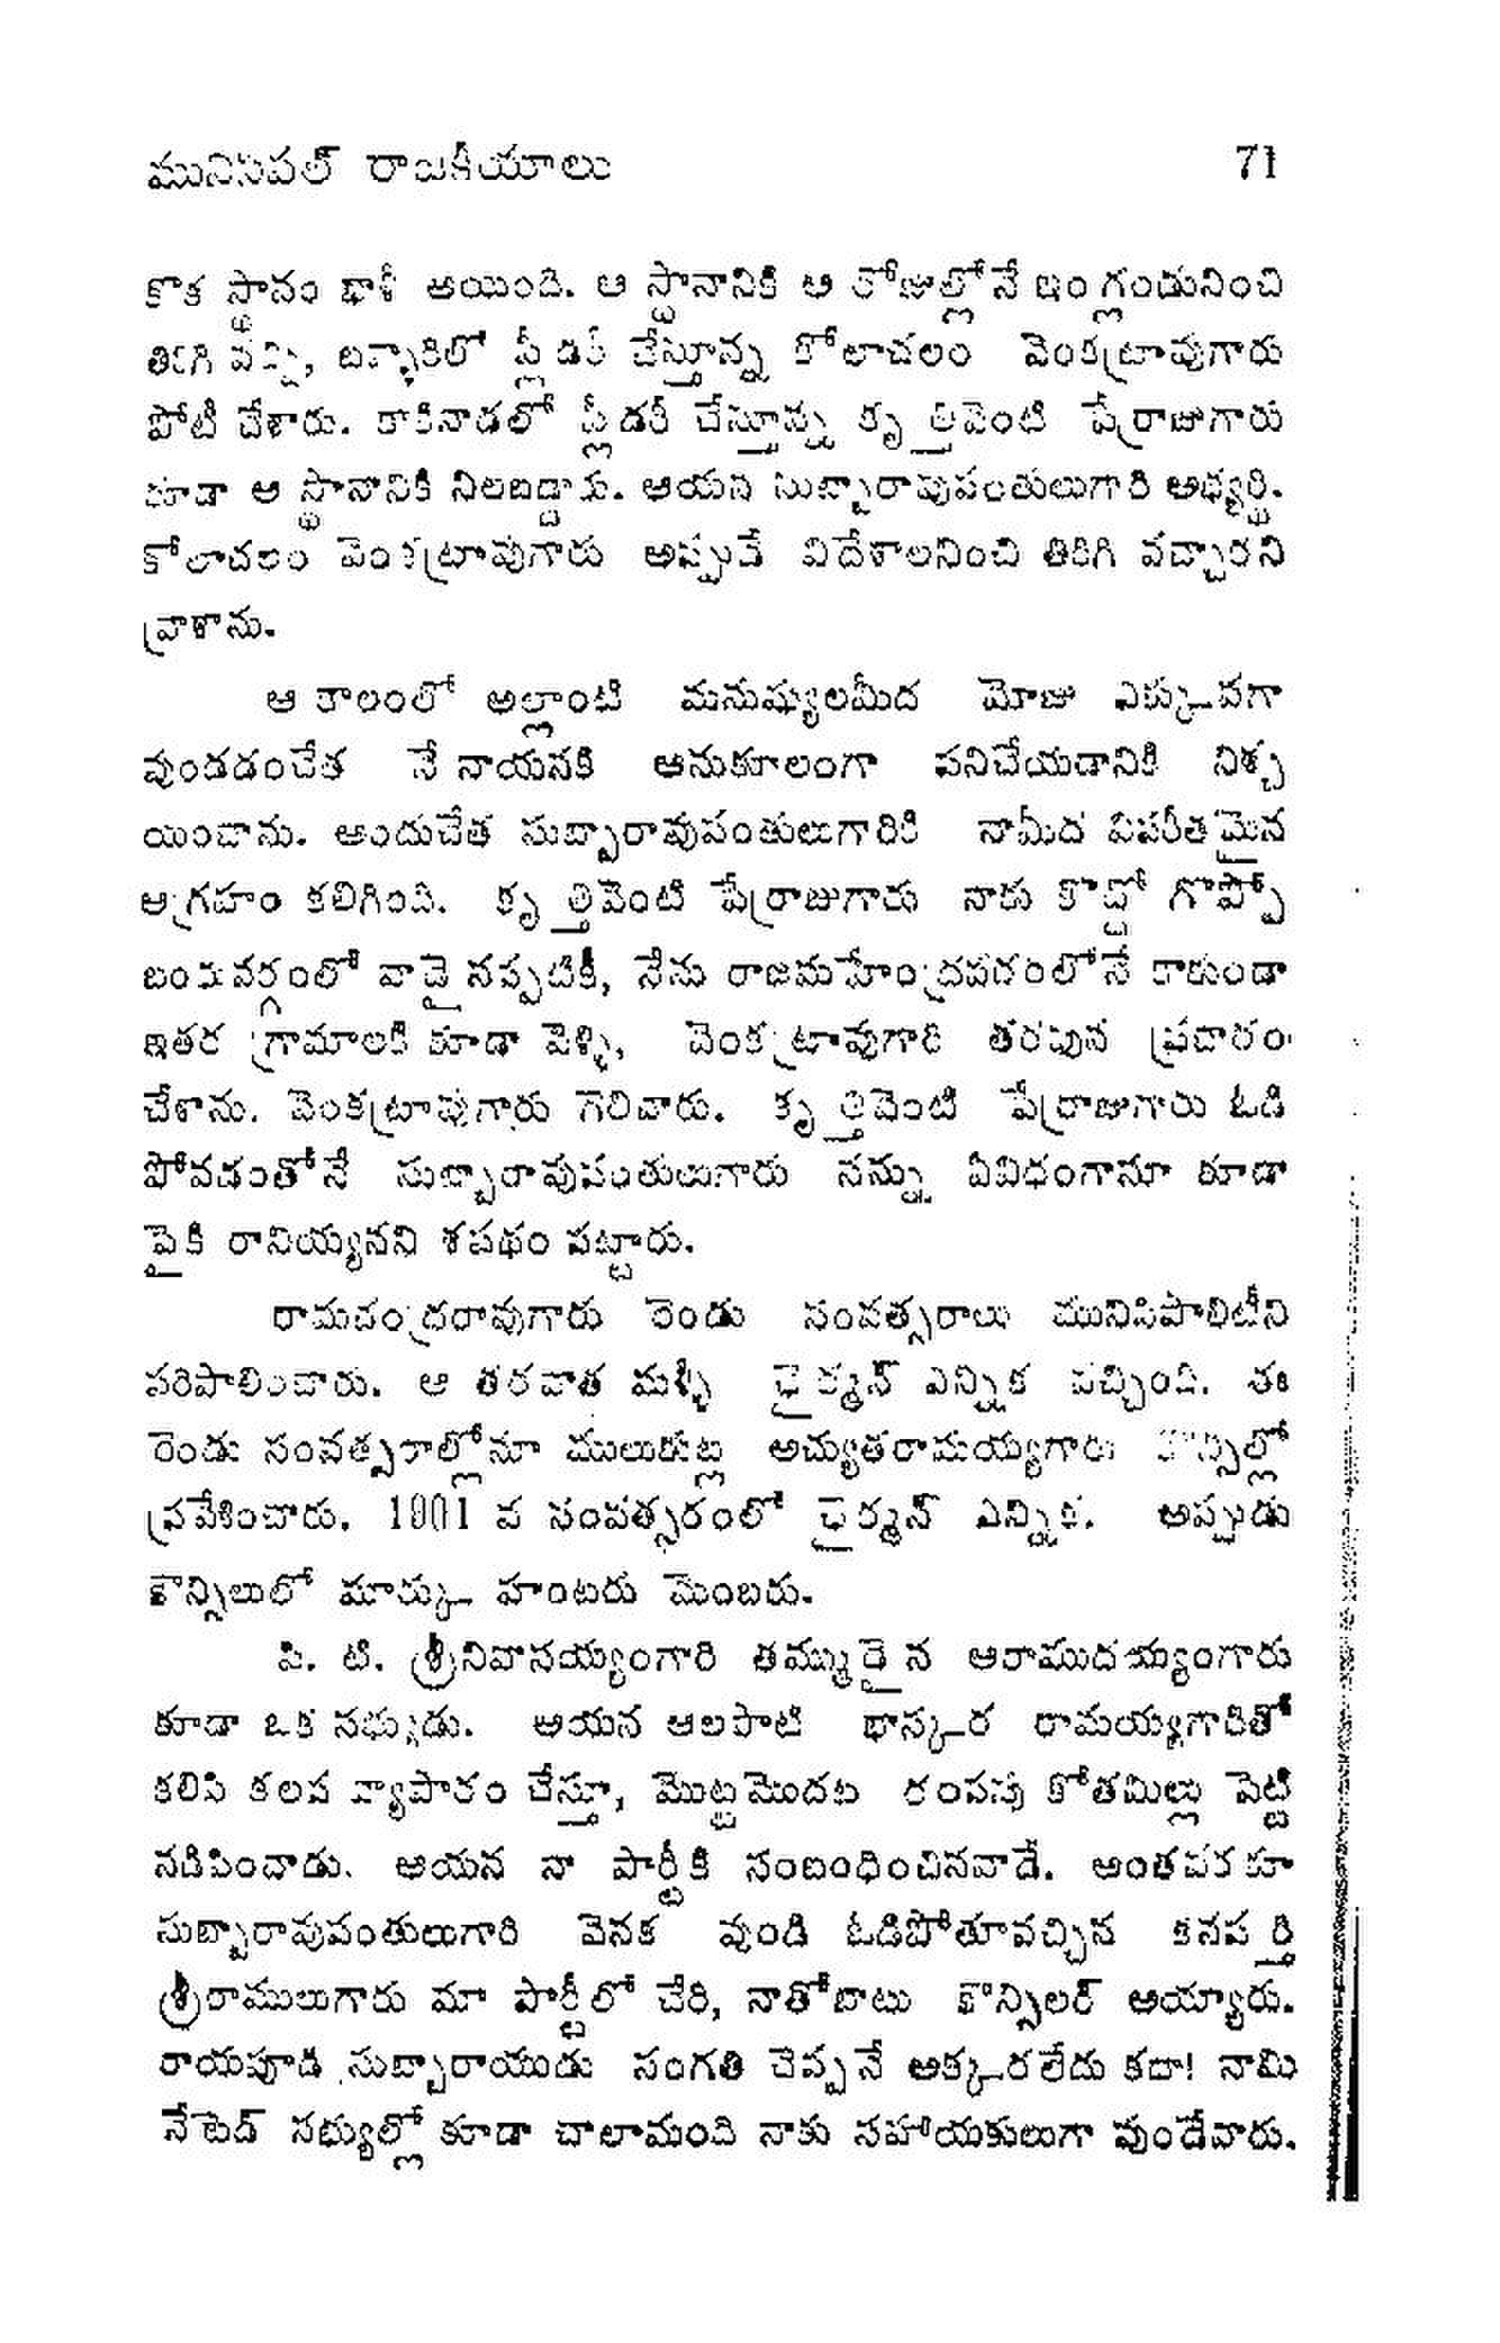కొక స్థానం ఖాళీ అయింది. ఆ స్థానానికి ఆ రోజులోనే ఇంగ్లండునించి తిరిగివచ్చి బళ్ళారిలో ప్లీడరీ చేస్తున్న కోలాచలం వెంకట్రావుగారు పోటీ చేశారు. కాకినాడలో ప్లీడరీ చేస్తూన్న కృత్తివెంటి పేర్రాజుగారు కూడా ఆ స్థానానికి నిలబడ్డారు. ఆయన సుబ్బారావు పంతులుగారి అభ్యర్థి. కోలాచలం వెంకట్రావుగారు అప్పుడే విదేశాలనించి తిరిగి వచ్చారని వ్రాశాను. 

ఆ కాలంలో అల్లాంటి మనుష్యుల మీద మోజు ఎక్కువగా వుండడంచేత నే నాయనకి అనుకూలంగా పనిచేయడానికి నిశ్చయించాను. అందుచేత సుబ్బారావు పంతులుగారికి నామీద విపరీతమైన ఆగ్రహం కలిగింది. కృత్తివెంటి పేర్రాజుగారు నాకు కొద్దో గొప్పో బంధువర్గంలో వాడైనప్పటికీ, నేను రాజమహేంద్రపరంలోనే కాకుండా ఇతర గ్రామాలకి కూడా వెళ్ళి, వెంకట్రావుగారి తరఫున ప్రచారం చేశాను. వెంకట్రావు గారు గెలిచారు. క్పత్తివెంటి పేర్రాజుగారు ఓడిపోవడంతోనే సుబ్బారావు పంతులుగారు నన్ను ఏవిధంగానూ కూడాపైకి రానియ్యనని శపథం పట్టారు. 

రామచంద్రరావుగారు రెండు సంవత్సరాలు మునిసిపాలిటీని పరిపాలించారు. ఆ తరవాత మళ్ళీ ఛైర్మన్ ఎన్నిక వచ్చింది. ఈ రెండు సంవత్సరాల్లోనూ ములుకుట్ల అచ్యుతరామయ్యగారు కౌన్సిల్లో ప్రవేశించారు. 1901 వ సంవత్సరంలో చైర్మన్ ఎన్నిక. అప్పుడు కౌన్సిలులో మార్కు హంటరు మెంబరు. 

పి. టి. శ్రీనివాసయ్యంగారి తమ్ముడైన ఆరామదయ్యంగారు కూడా ఒక సభ్యుడు. ఆయన ఆలపాటి భాస్కర రామయ్యగారితో కలిపి కలప వ్యాపారం చేస్తూ, మొట్టమొదట రంపపు కోతమిల్లు పెట్టి నడిపించాడు, ఆయన నా పార్టీకి సంబంధించినవాడే. అంతవరకూ సుబ్బారావుపంతులుగారి వెనక వుండి ఓడిపోతూవచ్చిన కనపర్తి శ్రీరాములుగారు మా పార్టీ లో చేరి, నాతోబాటు కొన్సిలర్ అయ్యారు. రాయపూడి సుబ్బారాయుడు సంగతి చెప్పనే అక్కరలేదు కదా! నామినేటెడ్ సభ్యుల్లో కూడా చాలామంది నాకు సహాయకులుగా వుండేవారు.